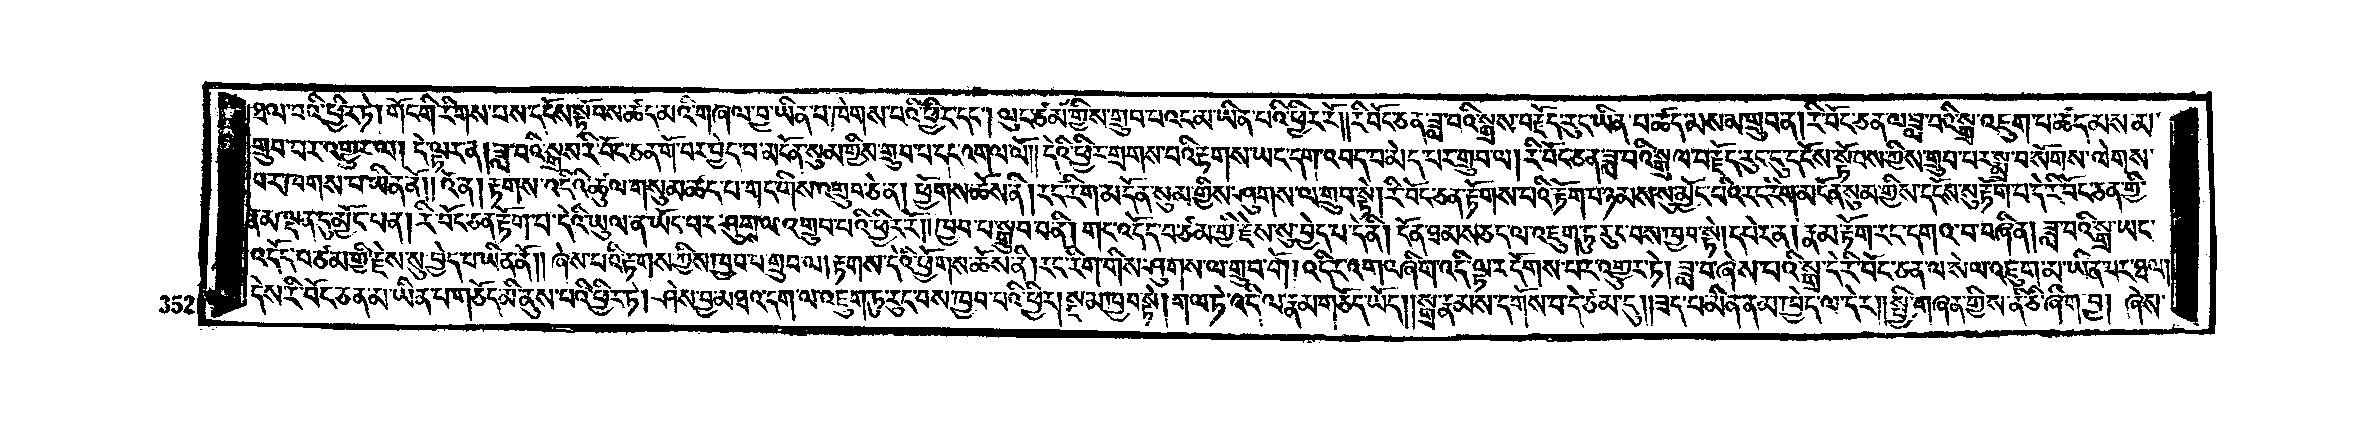ཐལ་བའི་ཕྱིར་ཏེ། གོང་གི་རིགས་པས་དངོས་སྟོབས་ཚད་མའི་གཞལ་བྱ་ཡིན་པ་ཁེགས་པའི་ཕྱིར་དང་། ལུང་ཙམ་གྱིས་གྲུབ་པའང་མ་ཡིན་པའི་ཕྱིར་རོ། །རི་བོང་ཅན་ཟླ་བའི་སྒྲས་བརྗོད་རུང་ཡིན་པ་ཚད་མས་མ་གྲུབ་ན། རི་བོང་ཅན་ལ་ཟླ་བའི་སྒྲ་འཇུག་པ་ཚད་མས་མ་
གྲུབ་པར་འགྱུར་ལ། དེ་ལྟར་ན། ཟླ་བའི་སྒྲས་རི་བོང་ཅན་གོ་བར་བྱེད་པ་མངོན་སུམ་གྱིས་གྲུབ་པ་དང་འགལ་ལོ། །དེའི་ཕྱིར་གྲགས་པའི་རྟགས་ཡང་དག་འབད་པ་མེད་པར་གྲུབ་ལ། རི་བོང་ཅན་ཟླ་བའི་སྒྲ་ལ་བརྗོད་རུང་དུ་དངོས་སྟོབས་ཀྱིས་གྲུབ་པར་སྨྲ་བ་སོགས་ལེགས་
པར་ཁེགས་པ་ཡིན་ནོ། །འོ་ན། རྟགས་འདིའི་ཚུལ་གསུམ་ཚང་པ་གང་གིས་འགྲུབ་ཅེ་ན། ཕྱོགས་ཆོས་ནི། རང་རིག་མངོན་སུམ་གྱིས་ཤུགས་ལ་གྲུབ་སྟེ། རི་བོང་ཅན་རྟོགས་པའི་རྟོག་པ་ཉམས་སུ་མྱོང་བའི་རྣག་རིག་མངོན་སུམ་གྱིས་དངོས་སུ་རྟོག་པ་དེ་རི་བོང་ཅན་གྱི་
རྣམ་ལྡན་དུ་མྱོང་བ་ན། རི་བོང་ཅན་རྟོག་པ་དེའི་ཡུལ་ན་ཡོད་པར་ཤུགས་ལ་འགྲུབ་པའི་ཕྱིར་རོ། །ཁྱབ་པ་སྒྲུབ་པ་ནི། གང་འདོད་པ་ཙམ་གྱི་རྗེས་སུ་བྱེད་པ་དེ་ནི། དོན་ཐམས་ཅད་ལ་འཇུག་ཏུ་རུང་བས་ཁྱབ་སྟེ། དཔེར་ན། རྣམ་རྟོག་རང་དགའ་བ་བཞིན། ཟླ་བའི་སྒྲ་ཡང་
འདོད་པ་ཙམ་གྱི་རྗེས་སུ་བྱེད་པ་ཡིན་ནོ། །ཞེས་པའི་རྟགས་ཀྱིས་ཁྱབ་པ་གྲུབ་ལ། རྟགས་དེའི་ཕྱོགས་ཆོས་ནི། རང་རིག་གིས་ཤུགས་ལ་གྲུབ་བོ། །འདིར་འགའ་ཞིག་འདི་ལྟར་དོགས་པར་འགྱུར་ཏེ། ཟླ་བ་ཞེས་པའི་སྒྲ་དེ་རི་བོང་ཅན་ལ་སེལ་འཇུག་མ་ཡིན་པར་ཐལ།
དེས་རི་བོང་ཅན་མ་ཡིན་པ་གཅོད་མི་ནུས་པའི་ཕྱིར་ཏེ། ཤེས་བྱ་མཐའ་དག་ལ་འཇུག་ཏུ་རུང་བས་ཁྱབ་པའི་ཕྱིར། སྔ་མ་ཁྱབ་སྟེ། གལ་ཏེ་འདི་ལ་རྣམ་གཅོད་ཡོད། །སྒྲ་རྣམས་དགོས་པ་དེ་ཙམ་དུ། །ཟད་པ་མིན་ནམ་ཁྱེད་ལ་དེར། །སྤྱི་གཞན་གྱིས་ནི་ཅི་ཞིག་བྱ། ཞེས་